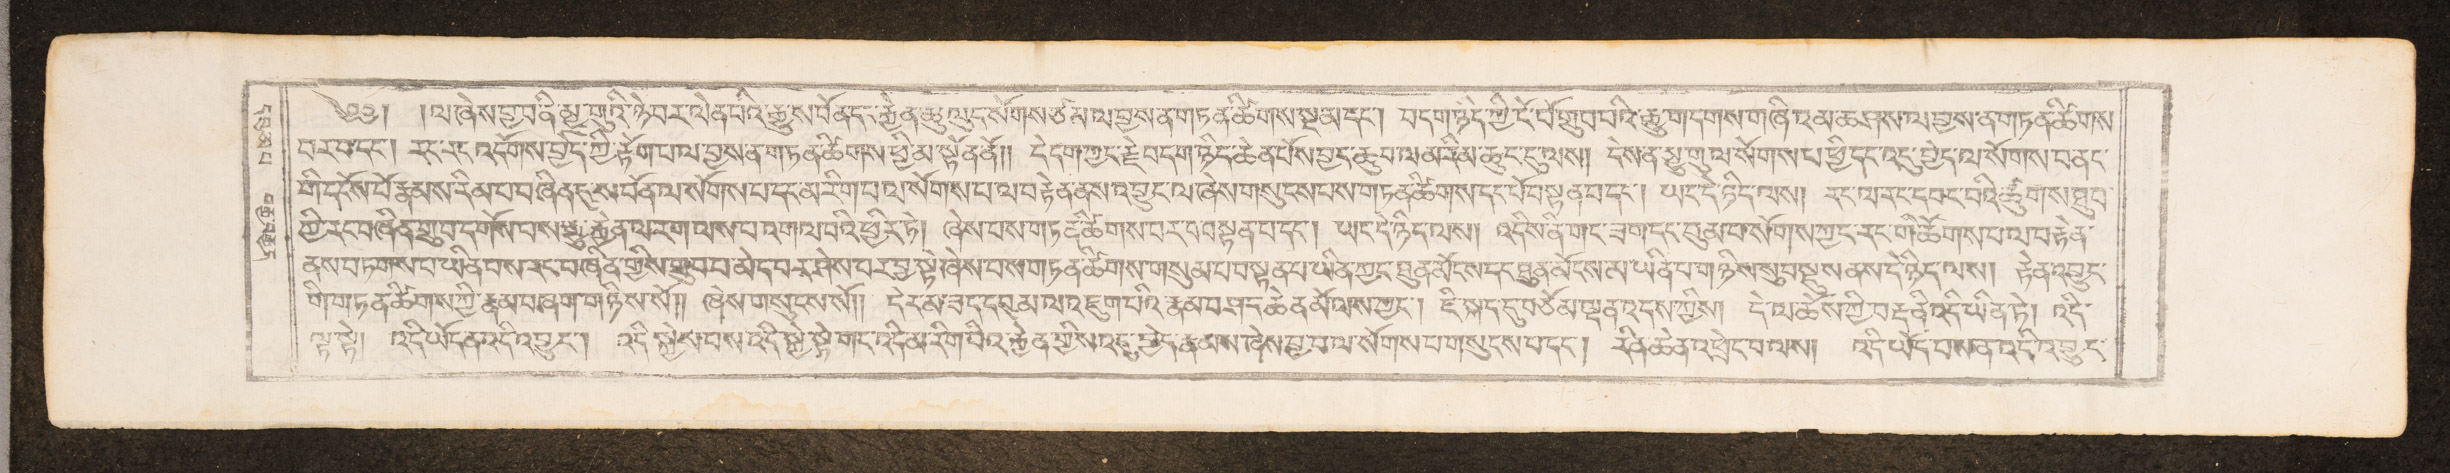༄༅། །ལ་ཞེས་བྱ་བ་ནི་མྱ་གུའི་ཉེ་བར་ལེན་པའི་རྒྱུ་ས་བོན་དང་རྐྱེན་ཆུ་ལུང་སོགས་ཙམ་ལ་བྱས་ན་གཏན་ཚིགས་སྔ་མ་དང་། བདག་ཉིད་ཀྱི་ངོ་བོ་གྲུབ་པའི་རྒྱུ་གདགས་གཞི་འམ་ཆ་ཤས་ལ་བྱས་ན་གཏན་ཚིགས་
བར་བ་དང་། རང་རང་འདོགས་བྱེད་ཀྱི་རྟོག་པ་ལ་བྱས་ན་གཏན་ཚིགས་ཕྱི་མ་སྟོན་ནོ། །དེ་དག་ཀྱང་རྗེ་བདག་ཉིད་ཆེན་པོས་བྱང་ཆུབ་ལམ་རིམ་ཆུང་དུ་ལས། དེས་ན་མྱུ་གུ་ལ་སོགས་པ་ཕྱི་དང་འདུ་བྱེད་ལ་སོགས་པ་ནང་
གི་དངོས་པོ་རྣམས་རིམ་པ་བཞིན་དུ་ས་བོན་ལ་སོགས་པ་དང་མ་རིག་པ་ལ་སོགས་པ་ལ་བརྟེན་ནས་འབྱུང་ལ་ཞེས་གསུངས་པས་གཏན་ཚིགས་དང་པོ་བསྟན་པ་དང་། ཡང་དེ་ཉིད་ལས། རང་ལ་རང་དབང་བའི་ཚུགས་ཐུབ་
ཀྱི་རང་བཞིན་གྲུབ་དགོས་པས་རྒྱུ་རྐྱེན་ལ་རག་ལས་པ་འགལ་བའི་ཕྱིར་ཏེ། ཞེས་པས་གཏན་ཚིགས་བར་བ་བསྟན་པ་དང་། ཡང་དེ་ཉིད་ལས། འདིས་ནི་གང་ཟག་དང་བུམ་པ་སོགས་ཀྱང་རང་གི་ཚོགས་པ་ལ་བརྟེན་
ནས་བཏགས་པ་ཡིན་པས་རང་བཞིན་གྱིས་གྲུབ་པ་མེད་པར་ཤེས་པར་བྱ་སྟེ་ཞེས་པས་གཏན་ཚིགས་གསུམ་པས་བསྟན་པ་ཡིན་ཀྱང་ཐུན་མོངས་དང་ཐུན་མོངས་མ་ཡིན་པ་གཉིས་སུ་བསྡུས་ནས་དེ་ཉིད་ལས། རྟེན་འབྱུང་
གི་གཏན་ཚིགས་ཀྱི་རྣམ་བཞག་གཉིས་སོ། །ཞེས་གསུངས་སོ། །དེར་མ་ཟད་དབུམ་ལ་འཇུག་པའི་རྣམ་བཤད་ཆེན་མོ་ལས་ཀྱང་། ཇི་སྐད་དུ་བཅོམ་ལྡན་འདས་ཀྱིས། དེ་ལ་ཆོས་ཀྱི་བརྔ་ནི་འདི་ཡིན་ཏེ། འདི་
ལྟ་སྟེ། འདི་ཡོད་ན་འདི་འབྱུང་། འདི་སྐྱེས་པ་འདི་སྐྱེ་སྟེ་གཏང་འདི་མ་རིག་པའི་རྐྱེན་གྱིས་འདུ་བྱེད་རྣམས་ཞེས་བྱ་བ་ལ་སོགས་པ་གསུངས་པ་དང་། རིང་ཆེན་འཕྲེང་བ་ལས། འདི་ཡོད་པས་ན་འདི་འབྱུང་